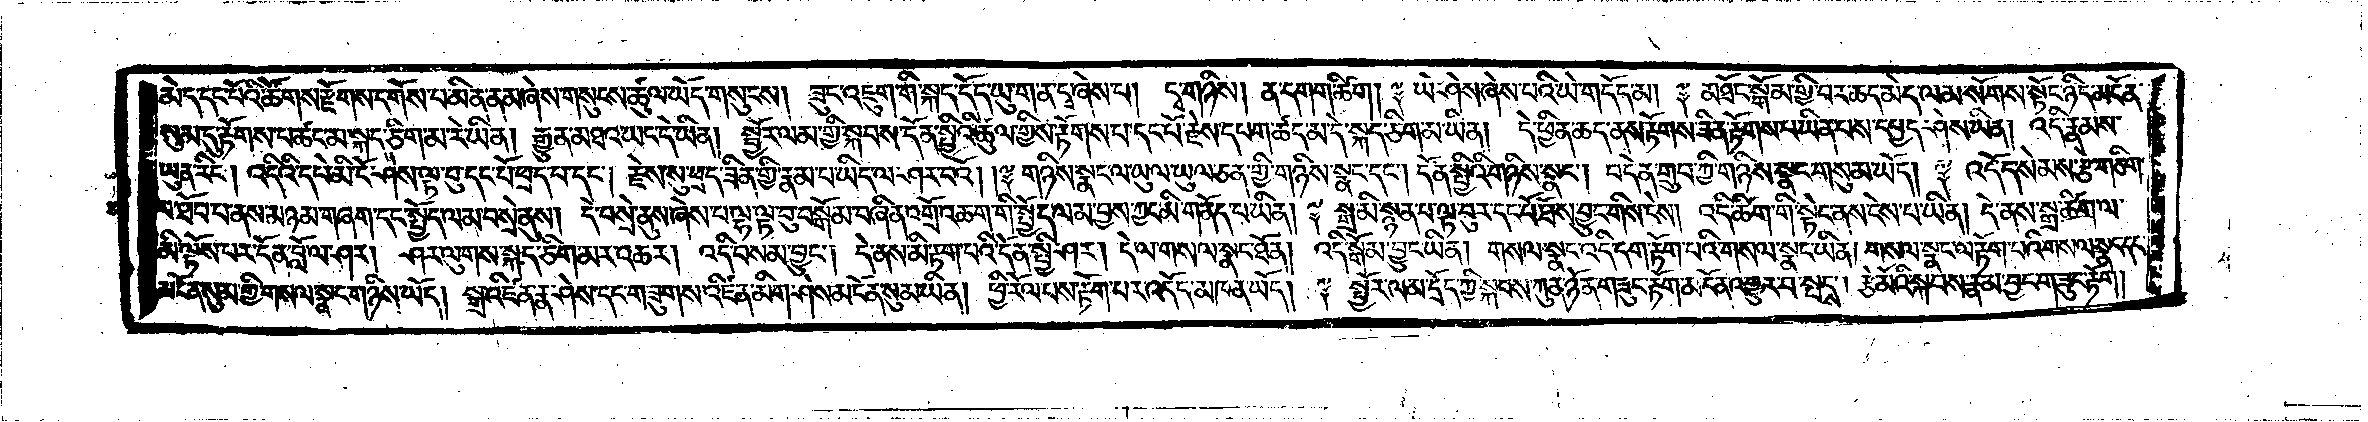མེད་དང་པོའི་ཙོགས་རྫོགས་དགོས་པ་མིན་ནམ་ཞེས་གསུངས་ཚུལ་ཡོད་གསུངས། ཟུང་འཇུག་གི་སྐད་དོད་ཡུ་ག་ན་དྭ་ཞེས་པ། དྭ་གཉིས། ན་དགག་ཚིག། ༈ ཡེ་ཤེས་ཞེས་པའི་ཡེ་གདོད་མ། ༈ མཐོང་སྒོམ་གྱི་བར་ཆད་མེད་ལམ་སོགས་སྟོང་ཉིད་མངོན་
སུམ་དུ་རྟོགས་པ་ཚང་མ་སྐད་ཅིག་མ་རེ་ཡིན། རྒྱུན་མཐའ་ཡང་དེ་ཡིན། སྦྱོར་ལམ་གྱི་སྐབས་དོན་སྤྱིའི་ཚུལ་གྱིས་རྟོགས་པ་དང་པོ་རྗེས་དཔག་ཚད་མ་དེ་སྐད་ཅིག་མ་ཡིན། དེ་ཕྱིན་ཆད་ན་རྟོགས་ཟིན་རྟོགས་པ་ཡིན་པས་དཔྱད་ཤེས་ཡིན། འདི་རྣམས་
ཡུན་རིང་། འདིའི་དཔེ་མི་ངོ་ཤེས་ལྟ་བུ་དང་པོ་ཕྲད་པ་དང་། རྗེས་སུ་ཕྲད་ཟིན་གྱི་རྣམ་པ་ཡིད་ལ་ཤར་བའོ། །༈ གཉིས་སྣང་ལ་ཡུལ་ཡུལ་ཅན་གྱི་གཉིས་སྣང་དང་། དོན་སྤྱིའི་གཉིས་སྣང་། བདེན་གྲུབ་ཀྱི་གཉིས་སྣང་གསུམ་ཡོད། ༈ འདོད་སེམས་རྩེ་གཅིག་
པ་ཐོབ་པ་ནས་མཉམ་གཞག་དང་སྤྱོད་ལམ་བསྲེ་ནུས། དེ་བསྲེ་ནུས་ཞེས་པ་ལྷ་ལྷ་བུ་བསྒོམ་བཞིན་འགྲོ་འཆག་གི་སྤྱོད་ལམ་བྱས་ཀྱང་མི་གནོད་པ་ཡིན། ༈ སྒྲ་མི་སྙན་པ་ལྟ་བུར་དང་པོ་ཐོས་བྱུང་གི་ངེས། འདི་ཚིག་གི་སྟེང་ནས་ངེས་པ་ཡིན། དེ་ནས་སྒྲ་ཚིག་ལ་
མི་ལྟོས་པར་དོན་བློ་ལ་ཤར། ཤར་ལུགས་སྐད་ཅིག་མར་འཆར། འདི་བསམ་བྱུང་། དེ་ནས་མི་རྟག་པའི་དོན་སྤྱི་ཤར། དེ་ལ་གསལ་སྣང་ཐོན། འདི་སྒོམ་བྱུང་ཡིན། གསལ་སྣང་འདི་དག་རྟོག་པའི་གསལ་སྣང་ཡིན། གསལ་སྣང་ལ་རྟོག་པའི་གསལ་སྣང་དང་
མངོན་སུམ་གྱི་གསལ་སྣང་གཉིས་ཡོད། སྒྲ་འཛིན་རྣ་ཤེས་དང་གཟུགས་འཛིན་མིག་ཤེས་མངོན་སུམ་ཡིན། ཕྱི་རོལ་པས་རྟོག་པར་འདོད་མཁན་ཡོད། ༈ སྦྱོར་ལམ་དྲོད་ཀྱི་སྐབས་ཀུན་ཉོན་གཟུང་རྟོག་མངོན་འགྱུར་བ་སྤངས། རྩེ་མོའི་སྐབས་རྣམ་བྱང་གཟུང་རྟོག།